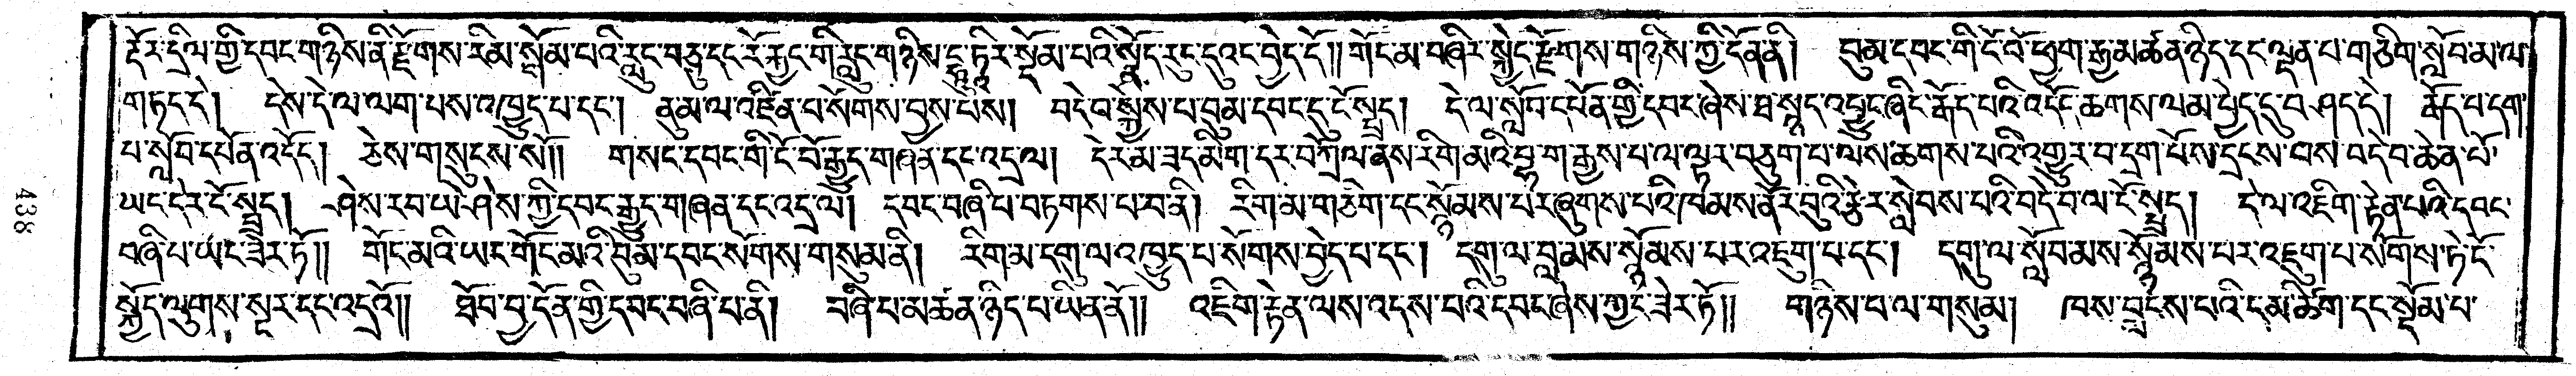རྡོར་དྲིལ་གྱི་དབང་གཉིས་ནི་རྫོགས་རིམ་སྒོམ་པའི་རླུང་བཅུ་དང་རོ་རྐྱང་གི་རླུང་གཉིས་དྷཱུ་ཏཱིར་སྡོམ་པའི་སྣོད་རུང་དུའང་བྱེད་དོ།། གོང་མ་བཞིར་སྐྱེད་རྫོགས་གཉིས་ཀྱི་དོན་ནི། བུམ་དབང་གི་ངོ་བོ་ཕྱག་རྒྱ་མཚན་ཉིད་དང་ལྡན་པ་གཅིག་སློབ་མ་ལ་
གཏད་དེ། དེས་དེ་ལ་ལག་པས་འཁྱུད་པ་དང་། ནུ་མ་ལ་འཛིན་པ་སོགས་བྱས་པས། བདེ་བ་སྐྱེས་པ་བུམ་དབང་དུ་ངོ་སྤྲད། དེ་ལ་སློབ་དཔོན་གྱི་དབང་ཞེས་ཐ་སྙད་འབྱུང་ཞིང་རྒོད་པའི་འདོད་ཆགས་ལམ་བྱེད་དུ་བཤད་དེ། རྒོད་པ་དག་
པ་སློབ་དཔོན་འདོད། ཅེས་གསུངས་སོ།། གསང་དབང་གི་ངོ་བོ་རྒྱུད་གཞན་དང་འདྲ་ལ། དེར་མ་ཟད་མིག་དར་བཀྲོལ་ནས་རིག་མའི་བྷ་ག་རྒྱས་པ་ལ་ལྟར་བཅུག་པ་ལས་ཆགས་པའི་འགྱུར་བ་དྲག་པོས་དྲངས་བས་བདེ་བ་ཆེན་པོ་
ཡང་དེར་ངོ་སྤྲད། ཤེས་རབ་ཡེ་ཤེས་ཀྱི་དབང་རྒྱུད་གཞན་དང་འདྲ་ལ། དབང་བཞི་པ་བཏགས་པ་བ་ནི། རིག་མ་གཅིག་དང་སྙོམས་པར་ཞུགས་པའི་ཁམས་ནོར་བུའི་རྩེར་སླེབས་པའི་བདེ་བ་ལ་ངོ་སྤྲད། དེ་ལ་འཇིག་རྟེན་པའི་དབང་
བཞི་པ་ཡང་ཟེར་ཏོ།། གོང་མའི་ཡང་གོང་མའི་བུམ་དབང་སོགས་གསུམ་ནི། རིག་མ་དགུ་ལ་འཁྱུད་པ་སོགས་བྱེད་པ་དང་། དགུ་ལ་བླ་མས་སྙོམས་པར་འཇུག་པ་དང་། དགུ་ལ་སློབ་མས་སྙོམས་པར་འཇུག་པ་སོགས་ཏེ་ངོ་
སྐྱོད་ལུགས་སྔར་དང་འདྲའོ།། ཐོབ་བྱ་དོན་གྱི་དབང་བཞི་པ་ནི། བཞི་པ་མཚན་ཉིད་པ་ཡིན་ནོ།། འཇིག་རྟེན་ལས་འདས་པའི་དབང་ཞེས་ཀྱང་ཟེར་ཏོ།། གཉིས་པ་ལ་གསུམ། ཁས་བླངས་པའི་དམ་ཚིག་དང་སྡོམ་པ་